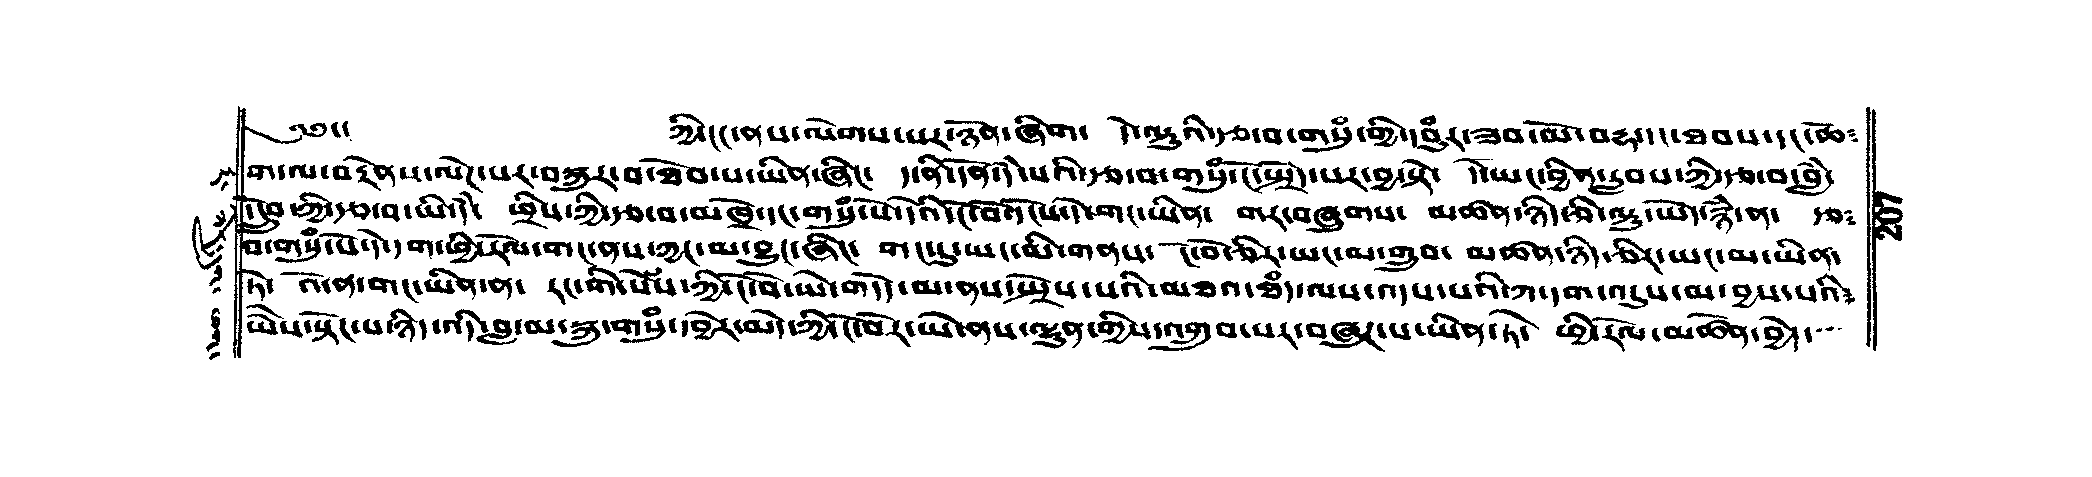ཀྱི་ངང་ནས་ལེགས་པར་ཉོན་ཞིག དེ་ལྟ་བུའི་རྩ་བ་གསུམ་གྱི་དབང་བསྐུར་ཟབ་མོ་བརྡ་དང་ཐབས་དང་ཆོ་
གདལ་བརྟེན་ནས་ལེགས་པར་བསྐུར་བ་ཐོབ་པ་ཡིན་ཞིང་། ད་ནི་དོན་དམ་པའི་རྩ་བ་གསུམ་ངོ་སྤྲོད་པར་བྱ་སྟེ། དེ་ཡང་བྱིན་རླབས་ཀྱི་རྩ་བ་བླ་མ་
དངོས་གྲུབ་གྱི་རྩ་བ་ཡི་དམ། ཕྲིན་ལས་ཀྱི་རྩ་བ་མཁའ་འགྲོ་དང་གསུམ་པོ་དེའི་ངོ་བོའི་དངོས་དེ་གང་ཡིན། གར་བཞུགས། མཚན་ཉིད་ཅི་ལྟ་བུ་ཡོད་སྙམ་ན། རྩ་
བ་གསུམ་པོ་དེ་དག་ཕྱི་རོལ་གང་ནས་ཀྱང་མ་བྱུང་ཞིང་། གང་དུ་ཡང་མི་གནས། ངོ་བོ་ཅིར་ཡང་མ་གྲུབ། མཚན་ཉིད་ཅིར་ཡང་མ་ཡིན་
ཏེ། འོ་ན་གང་ཡིན་ན། རང་གི་སེམས་ཀྱི་ངོ་བོ་ཡེ་གདོད་མ་ནས་སྤྲོས་པའི་མཐའ་ཐམས་ཅད་ལས་འདས་པའི་ཀ་དག་འདུས་མ་བྱས་པའི་
ཡེ་ཤེས་སྟོང་པ་ཉིད་འདི་བླ་མ་སྐུ་གསུམ་དབྱེར་མེད་ཀྱི་ངོ་བོར་ཡེ་ནས་ལྷུན་གྱི་འགྲུབ་པར་བཞུགས་པ་ཡིན་ཏེ། ཕྱི་རོལ་མཚོན་བྱེད་